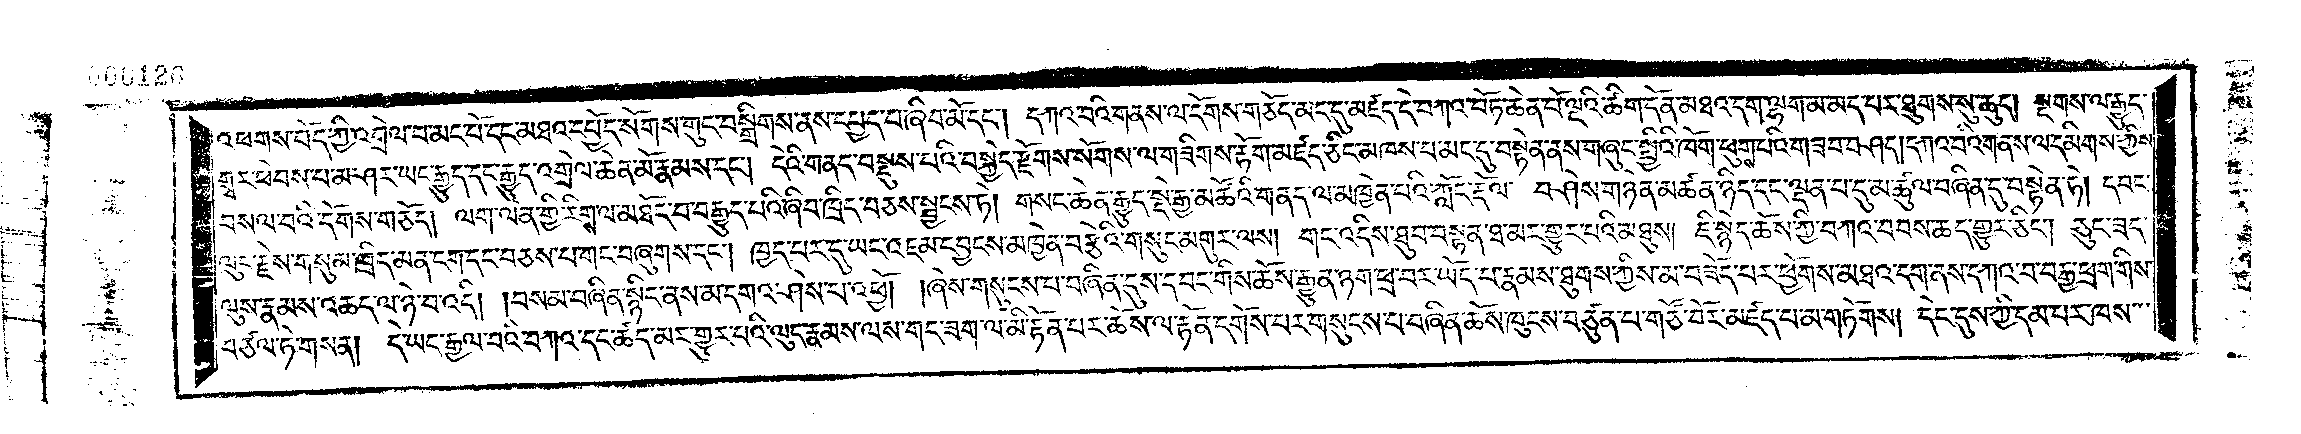འཕགས་བོད་ཀྱི་འགྲེལ་བ་མང་པོ་དང་མཐའ་དཔྱོད་སོགས་གུང་བསྒྲིགས་ནས་དཔྱད་པ་ཞིབ་མོ་དང་། དཀའ་བའི་གནས་ལ་དོགས་གཅོད་མང་དུ་མཛད་དེ་བཀའ་པོ་ཏ་ཆེན་པོ་ལྔའི་ཚིག་དོན་མཐའ་དག་ལྷག་མ་མེད་པར་ཐུགས་སུ་ཆུད། སྔགས་ལ་རྒྱུད་
གྲྭར་ཕེབས་པ་མ་ཤར་ཡང་རྒྱུད་དང་རྒྱུད་འགྲེལ་ཆེན་མོ་རྣམས་དང་། དེའི་གནད་བསྡུས་པའི་བསྐྱེད་རྫོགས་སོགས་ལ་གཟིགས་རྟོག་མཛད་ཅིང་མཁས་པ་མང་དུ་བསྟེན་ནས་གཞུང་སྤྱིའི་ཁོག་ཕུགས་པའི་གཟབ་བཤད། དཀའ་བའི་གནས་ལ་དམིགས་ཀྱིས་
བསལ་བའི་དོགས་གཅོད། ལག་ལེན་གྱི་རིགས་ལ་མཐོད་བ་བརྒྱུད་པའི་ཞིབ་ཁྲིད་བཅས་སྦྱངས་ཏེ། གསང་ཆེན་རྒྱུད་སྡེ་རྒྱ་མཚོའི་གནད་ལ་མཁྱེན་པའི་ཀློང་རྡོལ་བཤེས་གཉེན་མཚན་ཉིད་དང་ལྡན་པ་དུ་མཚུལ་བཞིན་དུ་བསྟེན་ཏེ། དབང་
ལུང་རྗེས་གསུམ་ཁྲིད་མན་ངག་དང་བཅས་པ་གང་བཞུགས་དང་། ཁྱད་པར་དུ་ཡང་འཇམ་དབྱངས་མཁྱེན་བརྩེའི་གསུང་མགུར་ལས། གང་འདིས་ཐུབ་བསྟན་ཐ་མར་གྱུར་པའི་མཐུས། ཇི་སྙེད་ཆོས་ཀྱི་བཀའ་བ་བས་ཆད་གྱུར་ཅིང་། ཅུང་ཟད་
ལུས་རྣམས་འཆད་ལ་ཉེ་བ་འདི། །བསམ་བཞིན་སྙིང་ནས་མ་དགའ་ཤེས་པ་འཕྱོ། །ཞེས་གསུངས་པ་བཞིན་དུས་དབང་གིས་ཆོས་རྒྱུན་ཉག་ཕྲ་བར་ཡོད་པ་རྣམས་ཐུགས་ཀྱིས་མ་བཟོད་པར་ཕྱོགས་མཐའ་དག་ནས་དཀའ་བ་བརྒྱ་ཕྲག་གིས་
བཙལ་ཏེ་གསན། དེ་ཡང་རྒྱལ་བའི་བཀའ་དང་ཚད་མར་གྱུར་པའི་ལུང་རྣམས་ལས་གང་ཟག་ལ་མི་རྟོན་པར་ཆོས་ལ་རྟོན་དགོས་པར་གསུངས་པ་བཞིན་ཆོས་ཁུངས་བཙུན་པ་གཙོ་བོར་མཛད་པ་མ་གཏོགས། དེང་དུས་ཀྱི་དམ་པར་ཁས་